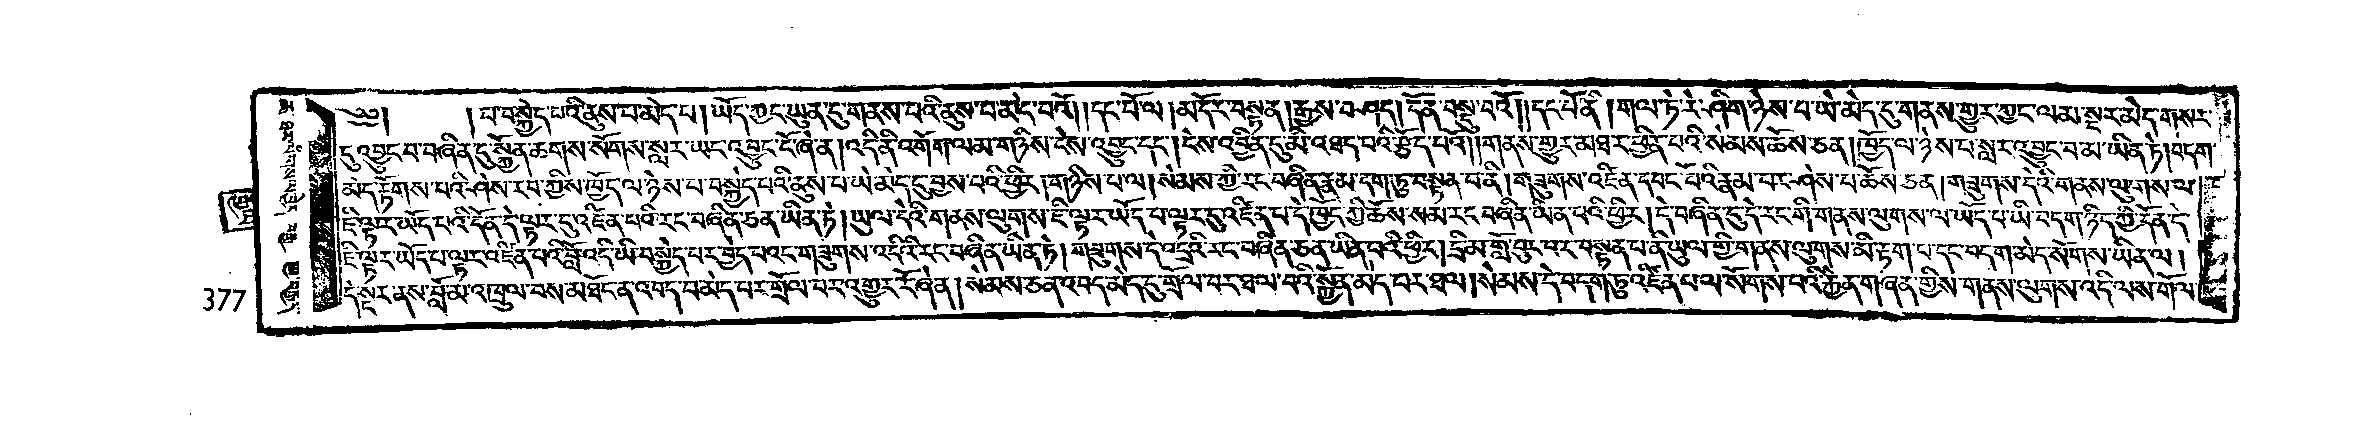༄༅། །པ་བསྐྱེད་པའི་ནུས་པ་མེད་པ། ཡོད་ཀྱང་ཡུན་དུ་གནས་པའི་ནུས་པ་མེད་པའོ། །དང་པོ་ལ། མདོར་བསྟན། རྒྱས་བཤད། དོན་བསྡུ་བའོ། །དང་པོ་ནི། གལ་ཏེ་རེ་ཤིག་ཉེས་པ་ཡེ་མེད་དུ་གནས་གྱུར་ཀྱང་ལམ་སྔར་མེད་གསར་
དུ་འབྱུང་བ་བཞིན་དུ་སྐྱོན་ཆགས་སོགས་སླར་ཡང་འབྱུང་ངོ་ཞེ་ན། འདི་ནི་འགོག་ལམ་གཉིས་ངེས་འབྱུང་དང་། ངེས་འབྱིན་དུ་མི་འཐད་པའི་རྩོད་པའོ། །གནས་གྱུར་མཐར་ཕྱིན་པའི་སེམས་ཆོས་ཅན། ཁྱོད་ལ་ཉེས་པ་སླར་འབྱུང་བ་མ་ཡིན་ཏེ། བདག་
མེད་རྟོགས་པའི་ཤེས་རབ་ཀྱིས་ཁྱོད་ལ་ཉེས་པ་བསྐྱེད་པའི་ནུས་པ་ཡེ་མེད་དུ་བྱས་པའི་ཕྱིར། གཉིས་པ་ལ། སེམས་ཀྱི་རང་བཞིན་རྣམ་དག་ཏུ་བསྟན་པ་ནི། གཟུགས་འཛིན་དབང་པོའི་རྣམ་པར་ཤེས་པ་ཆོས་ཅན། གཟུགས་དེའི་གནས་ལུགས་ལ་
ཇི་ལྟར་ཡོད་པའི་དོན་དེ་ལྟར་དུ་འཛིན་པའི་རང་བཞིན་ཅན་ཡིན་ཏེ། ཡུལ་དེའི་གནས་ལུགས་ཇི་ལྟར་ཡོད་པ་ལྟར་དུ་འཛིན་པ་དེ་ཁྱོད་ཀྱི་ཆོས་སམ་རང་བཞིན་ཡིན་པའི་ཕྱིར། དེ་བཞིན་དུ་དེ་རང་གི་གནས་ལུགས་ལ་ཡོད་པ་ཡི་བདག་ཉིད་ཀྱི་དོན་དེ་
ཇི་ལྟར་ཡོད་པ་ལྟར་འཛིན་པའི་བློ་འདི་མི་བསྐྱེད་པར་བྱེད་པའང་གཟུགས་འདིའི་རང་བཞིན་ཡིན་ཏེ། གཟུགས་དེ་འདྲའི་རང་བཞིན་ཅན་ཡིན་པའི་ཕྱིར། དྲི་མ་གློ་བུར་བར་བསྟན་པ་ནི་ཡུལ་གྱི་གནས་ལུགས་མི་རྟག་པ་དང་བདག་མེད་སོགས་ཡིན་ལ།
དེ་སྔར་ནས་བློ་མ་འཁྲུལ་བས་མཐོང་ན་འབད་པ་མེད་པར་གྲོལ་བར་འགྱུར་རོ་ཞེ་ན། སེམས་ཅན་འབད་མེད་དུ་གྲོལ་བར་ཐལ་བའི་སྐྱོན་མེད་པར་ཐལ། སེམས་དེ་བདག་ཏུ་འཛིན་པ་ལ་སོགས་པའི་རྐྱེན་གཞན་གྱིས་གནས་ལུགས་འདི་ལས་གོལ་